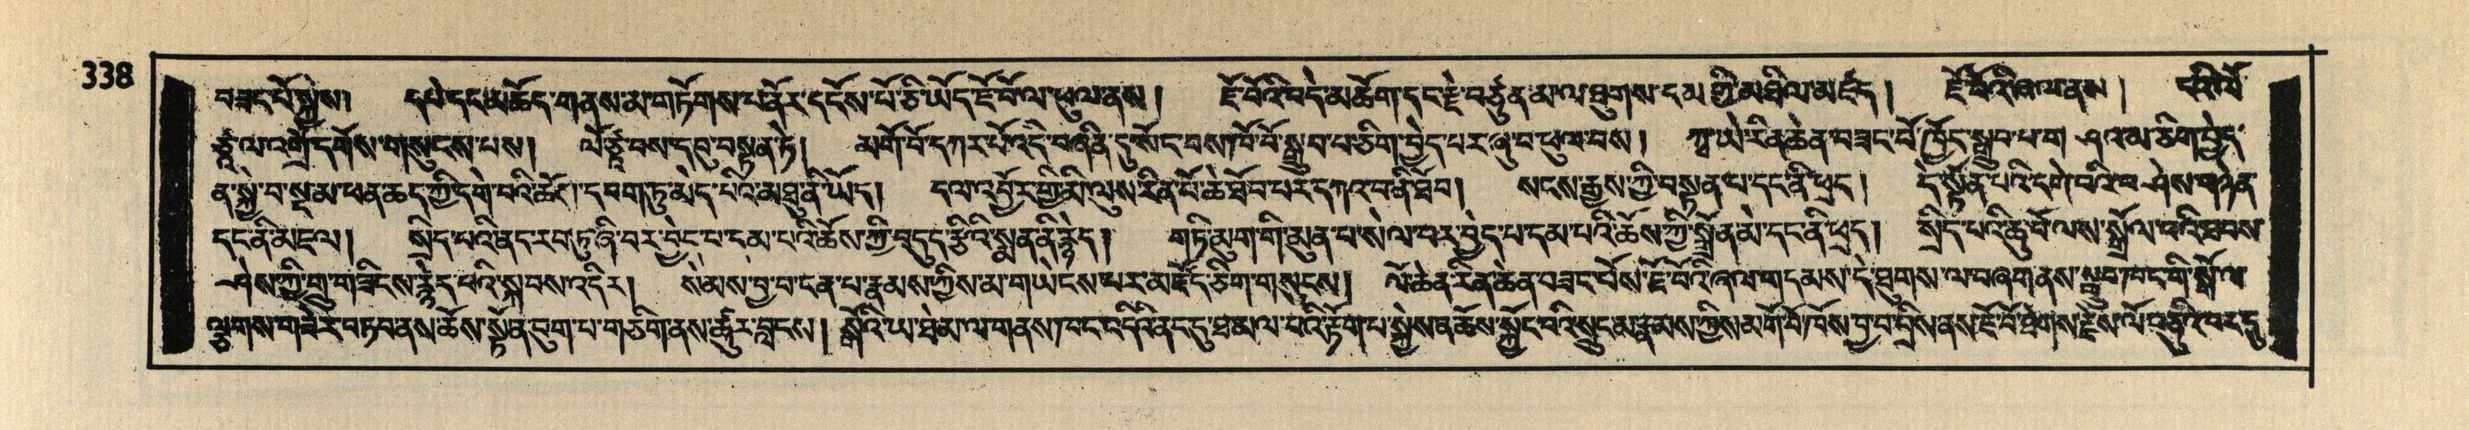བཟང་པོ་སྐྱེས། དཔེ་དང་མཆོད་གནས་མ་གཏོགས་པ་ནོར་དངོས་པོ་ཅི་ཡོད་ཇོ་བོ་ལ་ཕུལ་ནས། ཇོ་བོའི་བདེ་མཆོག་དང་རྗེ་བཙུན་མ་ལ་ཐུགས་དམ་གྱི་མཐིལ་མཛད། ཇོ་བོའི་ཞལ་ནས། ངའི་ལོ་
ཙཱ་ལ་འགྲོ་དགོས་གསུངས་པས། ལོ་ཙཱ་བས་དབུ་བསྟན་ཏེ། མགོ་བོ་དཀར་པོ་འདི་བཞིན་དུ་སོང་བས་ཁོ་བོ་སྒྲུབ་པ་ཅིག་བྱེད་པར་ཞུ་བ་ཕུལ་བས། ཀྭ་ཡེ་རིན་ཆེན་བཟང་པོ་ཁྱོད་སྒྲུབ་པ་གཤཱམ་ཅིག་བྱེད་
ན་སྐྱེ་བ་སྔ་མ་ཕན་ཆད་ཀྱི་དགེ་བའི་ཚོང་། དཔག་ཏུ་མེད་པའི་མཐུ་ནི་ཡོད། དལ་འབྱོར་གྱི་མི་ལུས་རིན་པོ་ཆེ་ཐོབ་པར་དཀའ་བ་ནི་ཐོབ། སངས་རྒྱས་ཀྱི་བསྟན་པ་དང་ནི་ཕྲད། དེ་སྟོན་པའི་དགེ་བའི་བཤེས་གཉེན་
དང་ནི་མཇལ། སྲིད་པའི་ནང་རབ་ཏུ་ཞི་བར་བྱེད་པ་དམ་པའི་ཆོས་ཀྱི་བདུད་རྩིའི་སྨན་ནི་རྙེད། གཏི་མུག་གི་མུན་པ་སེལ་བར་བྱེད་པ་དམ་པའི་ཆོས་ཀྱི་སྒྲོན་མེ་དང་ནི་ཕྲད། སྲིད་པའི་ཆུ་བོ་ལས་སྒྲོལ་བའི་ཐབས་
ཤེས་ཀྱི་གྲུ་གཟིངས་རྙེད་པའི་སྐབས་འདིར། སེམས་བྱ་བ་ངན་པ་རྣམས་ཀྱིས་མ་གཡེངས་པར་མཛོད་ཅིག་གསུངས། ལོ་ཆེན་རིན་ཆེན་བཟང་པོས་ཇོ་བོའི་ཞལ་གདམས་དེ་ཐུགས་ལ་བཞག་ནས་སྒྲུབ་ཁང་གི་སྒོ་ལ་
ལྕགས་གཟེར་བཏབ་ནས་ཆོས་སྟོན་བུག་པ་གཅིག་ནས་ཚུར་བླངས། སྒོའི་ཡ་ཐེམ་ལ་གནས་ཁང་འདིའི་ནང་དུ་ཐ་མལ་པའི་རྟོག་པ་སྐྱེས་ན་ཆོས་སྐྱོང་བའི་སྲུང་མ་རྣམས་ཀྱིས་མགོ་བོ་ཁོས་བྱ་བ་བྲིས་ནས་ཇོ་བོ་ཐེགས་རྗེས་ལོ་བཅུའི་བར་དུ་